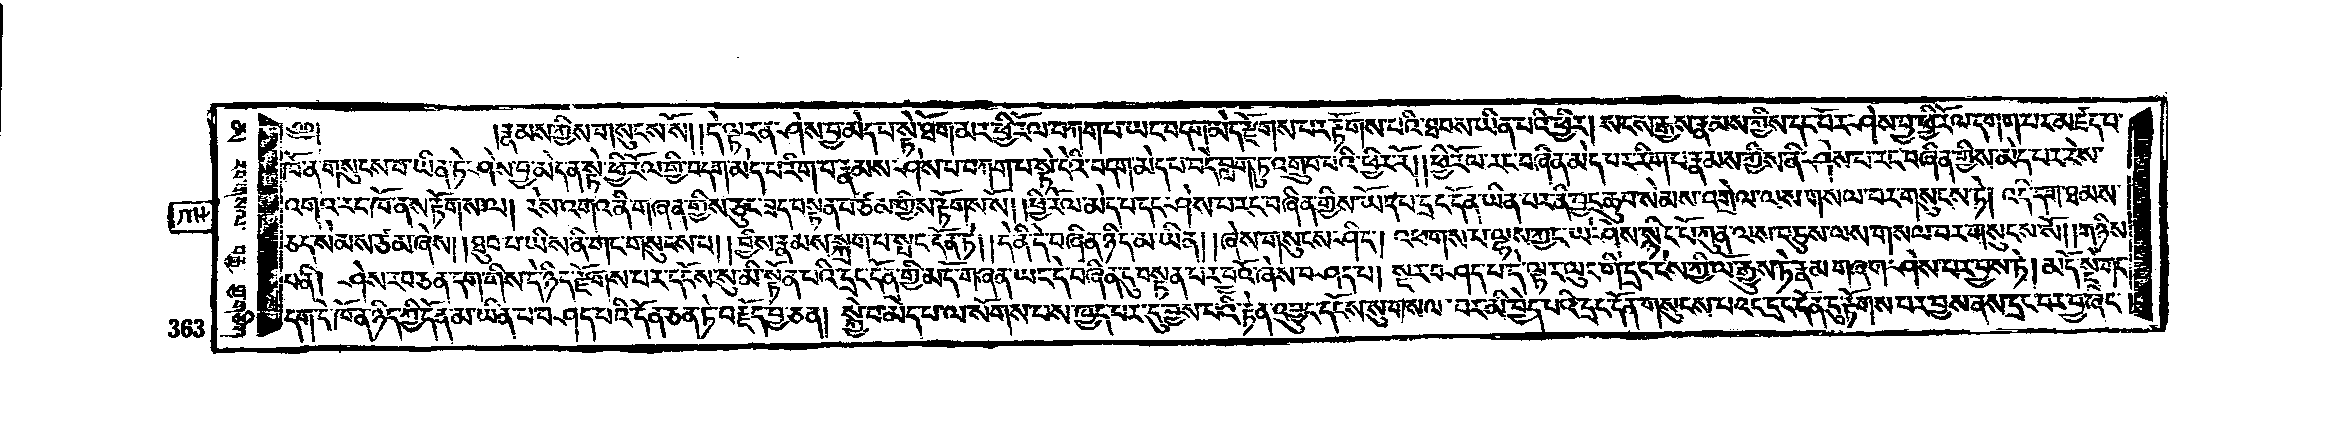༄༅། །རྣམས་ཀྱིས་གསུངས་སོ། །དེ་ལྟར་ན་ཤེས་བྱ་མེད་པ་སྟེ་ཐོག་མར་ཕྱི་རོལ་བཀག་པ་ཡང་བདག་མེད་རྫོགས་པར་རྟོགས་པའི་ཐབས་ཡིན་པའི་ཕྱིར། སངས་རྒྱས་རྣམས་ཀྱིས་དང་པོར་ཤེས་བྱ་ཕྱི་རོལ་དགག་པར་མཛད་པ་
ཁོ་ན་གསུངས་པ་ཡིན་ཏེ་ཤེས་བྱ་མེད་ན་སྟེ་ཕྱི་རོལ་གྱི་བདག་མེད་པ་རིག་པ་རྣམས་ཤེས་པ་བཀག་པ་སྟེ་དེའི་བདག་མེད་པ་བདེ་བླག་ཏུ་འགྲུབ་པའི་ཕྱིར་རོ། །ཕྱི་རོལ་རང་བཞིན་མེད་པར་རིག་པ་རྣམས་ཀྱིས་ནི་ཤེས་པ་རང་བཞིན་གྱིས་མེད་པར་རེས་
འགའ་རང་ཁོ་ནས་རྟོགས་ལ། རེས་འགའ་ནི་གཞན་གྱིས་ཅུང་ཟད་བསྟན་པ་ཙམ་གྱིས་རྟོགས་སོ། །ཕྱི་རོལ་མེད་པ་དང་ཤེས་པ་རང་བཞིན་གྱིས་ཡོད་པ་དྲང་དོན་ཡིན་པར་ནི་བྱང་ཆུབ་སེམས་འགྲེལ་ལས་གསལ་བར་གསུངས་ཏེ། འདི་དག་ཐམས་
ཅད་སེམས་ཙམ་ཞེས། །ཐུབ་པ་ཡིས་ནི་གང་གསུངས་པ། །བྱིས་རྣམས་སྐྲག་པ་སྤང་དོན་ཏེ། །དེ་ནི་དེ་བཞིན་ཉིད་མ་ཡིན། །ཞེས་གསུངས་ཤིང་། འཕགས་པ་ལྷས་ཀྱང་ཡེ་ཤེས་སྙིང་པོ་ཀུན་ལས་བཏུས་ལས་གསལ་བར་གསུངས་སོ། །གཉིས་
པ་ནི། ཤེས་རབ་ཅན་དག་གིས་དེ་ཉིད་རྫོགས་པར་དངོས་སུ་མི་སྟོན་པའི་དྲང་དོན་གྱི་མདོ་གཞན་ཡང་དེ་བཞིན་དུ་བསྟན་པར་བྱའོ་ཞེས་བཤད་པ། སྔར་བཤད་པ་དེ་ལྟར་ལུང་གི་དྲང་ངེས་ཀྱི་ལོ་རྒྱུས་ཏེ་རྣམ་གཞག་ཤེས་པར་བྱས་ཏེ། མདོ་སྡེ་གང་
དག་དེ་ཁོ་ན་ཉིད་ཀྱི་དོན་མ་ཡིན་པ་བཤད་པའི་དོན་ཅན་ཏེ་བརྗོད་བྱ་ཅན། སྐྱེ་བ་མེད་པ་ལ་སོགས་པས་ཁྱད་པར་དུ་བྱས་པའི་རྟེན་འབྱུང་དངོས་སུ་གསལ་བར་མི་བྱེད་པའི་དྲང་དོན་གསུངས་པའང་དྲང་དོན་དུ་རྟོགས་པར་བྱས་ནས་དྲང་བར་བྱ་ཞིང་